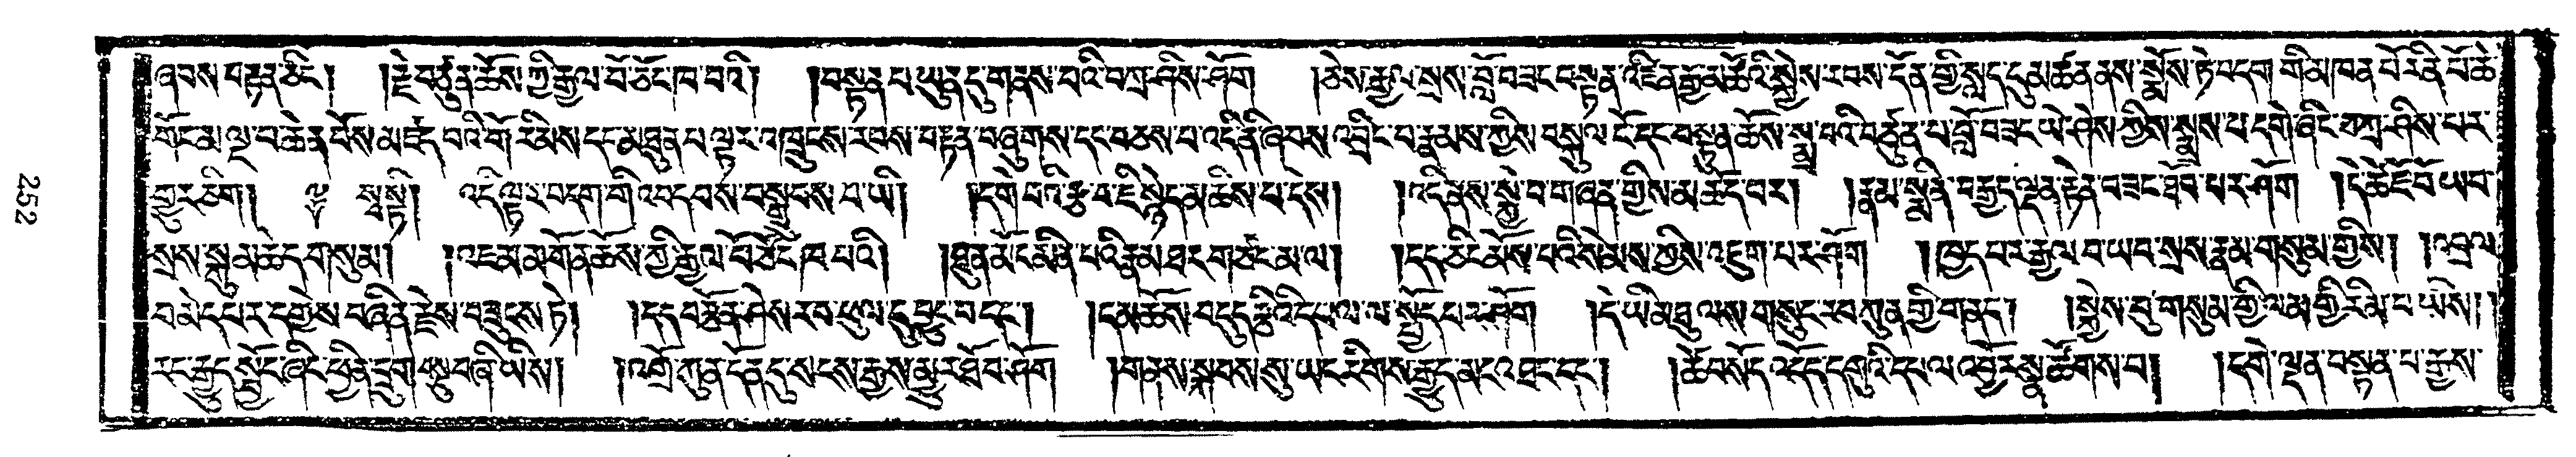ཞབས་བརྟན་ཅིང་། །རྗེ་བཙུན་ཆོས་ཀྱི་རྒྱལ་བོ་ཅོང་ཁ་བའི། །བསྟན་པ་ཡུན་དུ་གནས་པའི་བཀྲ་ཤིས་ཤོག །ཅེས་རྒྱལ་སྲས་བློ་བཟང་བསྟན་འཛིན་རྒྱ་མཚོའི་སྐྱེས་རབས་དོན་གྱི་སླད་དུ་མཚན་ནས་སྨོས་ཏེ་བདག་གི་མཁན་པོ་རིན་པོ་ཆེ་
གོང་མ་ལྔ་པ་ཆེན་བོས་མཛད་བའི་གོ་རིམས་དང་མཐུན་པ་ལྟར་འཁྲུངས་རབས་བརྟན་བཞུགས་དང་བཅས་པ་འདི་ནི་ཞབས་འབྲིང་པ་རྣམས་ཀྱིས་བསྐུལ་ངོ་དང་བསྟུན་ཆོས་སྨྲ་བའི་བཙུན་པ་བློ་བཟང་ཡེ་ཤེས་ཀྱིས་སྨྲས་པ་དགེ་ཞིང་བཀྲ་ཤིས་པར་
གྱུར་ཅིག། ༈ སྭསྟི། འདི་ལྟར་བདག་གི་འབད་བས་བསྒྲུབས་པ་ཡི། །དགེ་བའི་རྩ་བ་ཇི་སྙེད་མཆིས་པ་དེས། །འདི་ནས་སྐྱེ་བ་གཞན་གྱིས་མཆོད་བར། །རྣམ་སྨིན་བརྒྱད་ལྡན་རྟེན་བཟང་ཐོབ་པར་ཤོག །དེ་ཚེ་ཇོ་བོ་ཡབ་
སྲས་སྐུ་མཆེད་གསུམ། །འཇམ་མགོན་ཆོས་ཀྱི་རྒྱལ་པོ་ཙོང་ཁ་པའི། །ཐུན་མོང་མིན་པའི་རྣམ་ཐར་གཙང་མ་ལ། །དང་ཅིང་མོས་པའི་སེམས་ཀྱིས་འཇུག་པར་ཤོག །ཁྱད་པར་རྒྱལ་བ་ཡབ་སྲས་རྣམ་གསུམ་གྱིས། །འབྲལ་
བ་མེད་པར་དགྱེས་བཞིན་རྗེས་བཟུངས་ཏེ། །དད་བརྩོན་ཤེས་རབ་ཕུལ་དུ་བྱུང་བ་དང་། །དམ་ཆོས་བདུད་རྩིའི་དཔལ་ལ་སྤྱོད་པར་ཤོག །དེ་ཡི་མཐུ་ལས་གསུང་རབ་ཀུན་གྱི་གནད། །སྐྱེས་བུ་གསུམ་གྱི་ལམ་གྱི་རིམ་པ་ཡིས། །
རང་རྒྱུད་སྦྱོང་ཞིང་ཕྱིན་དྲུག་བསྡུ་བཞི་ཡིས། །འགྲོ་ཀུན་དོན་དུ་སངས་རྒྱས་མྱུར་ཐོབ་ཤོག །གནས་སྐབས་སུ་ཡང་རིགས་རྒྱུད་མངའ་ཐང་དང་། །ཚེ་བསོད་འདོད་དགུའི་དཔལ་འབྱོར་སྣ་ཚོགས་བ། །དགེ་ལྡན་བསྟན་པ་རྒྱས་